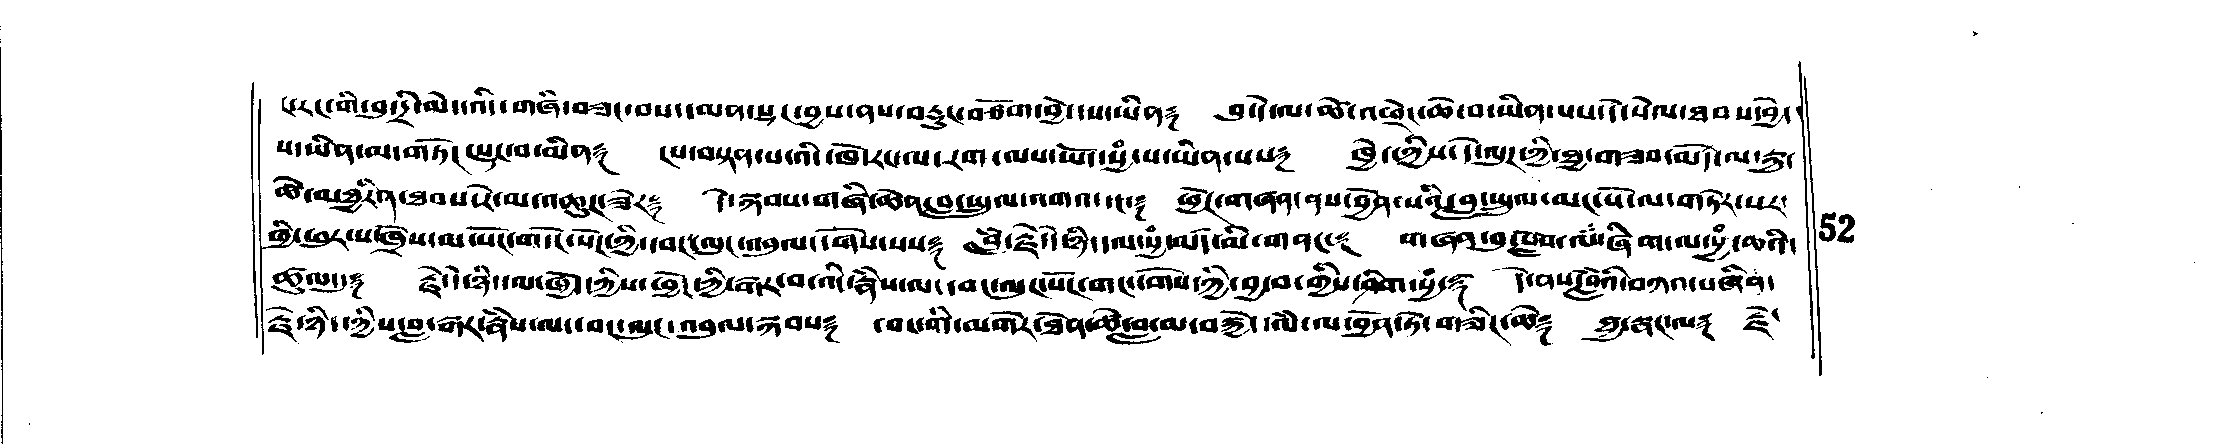ང་རང་གི་བུ་དྲི་མེད་འདི་གཞི་བཟང་བས་དམན་སྡང་བྱས་ནས་བརྡུང་བཙོག་བྱེད་པ་ཡིན། བུ་དེ་ལ་ཚེ་འཕྲེང་ཆེ་བ་ཡིན་པས་དེ་སེལ་ཐབས་བྱེད་
པ་ཡིན་མ་གཏོགས་སྡང་བ་མིན། ངས་བསྟན་པ་འདི་ཁོ་རང་ལ་རག་ལས་ཡོད་གསུང་པ་ཡིན་པས། ཁྱེད་ཀྱིས་དེ་ལུགས་ཀྱི་ཐུགས་གཟབ་མཛོད་ལ་སྐུ་
ཚེ་མཐར་ཕྱིན་ཐབས་རེ་མ་འཆུགས་ཟེར། དེ་སྐབས་གཞི་ཆེན་བླ་སྤྲུལ་འགའ་དང་། ཕྱོགས་གཞན་ནས་བྱོན་པའི་བླ་སྤྲུལ་མང་པོ་ལ་གཏེར་སར་
གྱི་ཕུར་པ་ཁྲོས་མ་སེང་གདོང་སོགས་ཀྱི་དབང་ལུང་འབུལ་དགོས་པས།བླ་མས་རྗེ་དེ་ཉིད་ལ་གསུང་མཛད་མི་གནང་། གཞན་བུ་སློབ་ཞིག་ལ་གསུང་ཆའི་
ཚུལ་དུ། རྗེ་དེ་ཉིད་ལ་ཁྱོད་ཀྱིས་ཕྱོགས་ཀྱི་སྒར་བ་འདི་རྣམས་ལ་དབང་ལུང་སོགས་གང་དགོས་ཀྱི་བྱ་བ་གྱིས་ཤིག་གསུང་། དེ་ནས་བླ་མའི་བཀའ་བཞིན་
རྗེ་ཉིད་ཀྱིས་བླ་སྒར་རྣམས་ལ་དབང་ལུང་འབུལ་སྐབས། དབང་གི་མགོར་ཐོན་ཚེ་བླ་མ་བསྐྱེད་ལམ་ལ་བྱོན་ཏེ་གཟིགས་ཚེ། ཐུགས་སྣང་ལ། རྗེ་